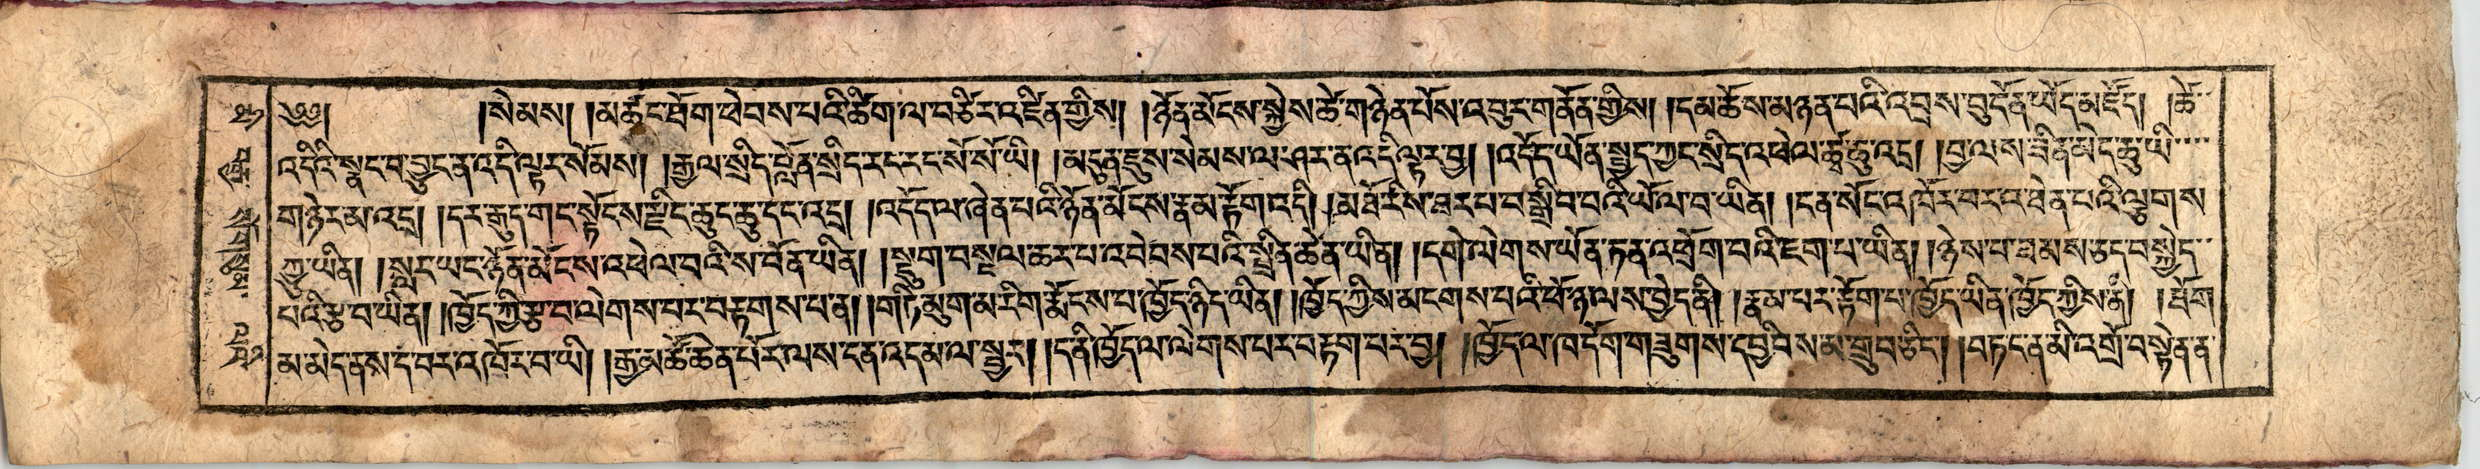སེམས། །མཚང་ཐོག་ཕེབས་པའི་ཚིག་ལ་བཙིར་འཛིན་གྱིས། །ཉོན་མོངས་སྐྱེས་ཚེ་གཉེན་པོས་འབུར་གནོན་གྱིས། །དམ་ཆོས་མཉན་པའི་འབྲས་བུ་དོན་ཡོད་མཛོད། །ཚེ་
འདིའི་སྣང་བ་བྱུང་ན་འདི་ལྟར་སེམས། །རྒྱལ་སྲིད་བློན་སྲིད་རང་རང་སོ་སོ་ཡི། །མདུན་ཇུས་སེམས་ལ་ཤར་ན་འདི་ལྟར་བྱ། །འདོད་ཡོན་སྤྱད་ཀྱང་སྲིད་འཕེལ་ཚྭ་ཆུ་འདྲ། །བྱ་ལས་ཟིན་མེད་ཆུ་ཡི་
གཉེར་མ་འདྲ། །དར་རྒུད་གང་སྟོངས་རྫིང་ཆུང་ཆུ་དང་འདྲ། །འདོད་ལ་ཞེན་པའི་ཉོན་མོངས་རྣམ་རྟོག་འདི། །མཐོ་རིས་ཐར་པ་བསྒྲིབ་བའི་ཡོལ་བ་ཡིན། །ངན་སོང་འཁོར་བར་འཐེན་པའི་ལྕགས་
ཀྱུ་ཡིན། །སླར་ཡང་ཉོན་མོངས་འཕེལ་བའི་ས་བོན་ཡིན། །སྡུག་བསྔལ་ཆར་པ་འབེབས་པའི་སྤྲིན་ཆེན་ཡིན། །དགེ་ལེགས་ཡོན་ཏན་འཕྲོག་པའི་ཇག་པ་ཡིན། །ཉེས་པ་ཐམས་ཅད་བསྐྱེད་
པའི་རྩ་བ་ཡིན། །ཁྱོད་ཀྱི་རྩ་བ་ལེགས་པར་བརྟགས་པ་ན། །གཏི་མུག་མ་རིག་རྨོངས་པ་ཁྱོད་ཉིད་ཡིན། །ཁྱོད་ཀྱིས་མངགས་པའི་ཕོ་ཉ་ལས་བྱེད་ནི། །རྣམ་པར་རྟོག་པ་ཁྱོད་ཡིན་ཁྱོད་ཀྱིས་ན། །ཐོག་
མ་མེད་ནས་ད་བར་འཁོར་བ་ཡི། །རྒྱ་མཚོ་ཆེན་པོར་ལས་ངན་འདམ་ལ་སྦྱར། །ད་ནི་ཁྱོད་ལ་ལེགས་པར་བརྟག་པར་བྱ། །ཁྱོད་ལ་ཁ་དོག་གཟུགས་དབྱིབས་མ་གྲུབ་ཅིང་། །བཏང་ན་མི་འགྲོ་བསྟེན་ན་